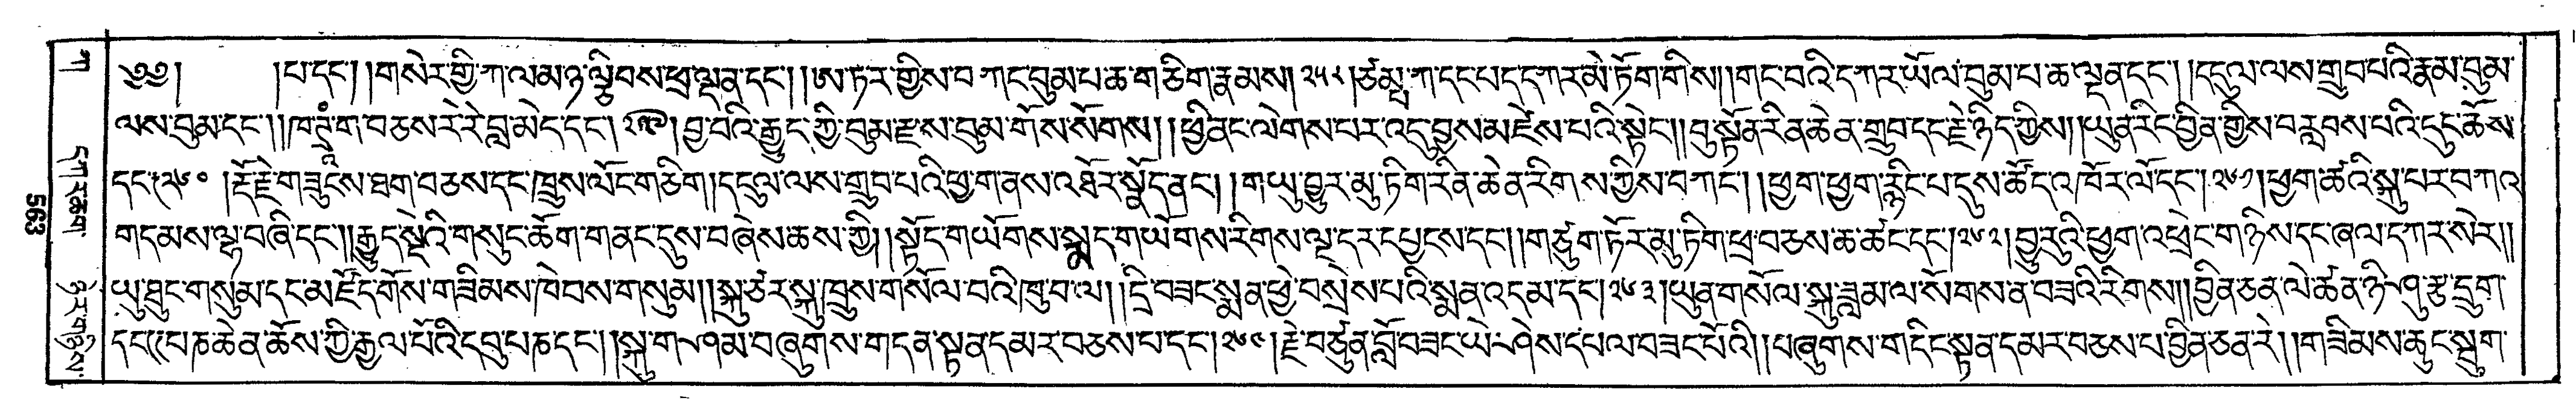༄༅། །པ་དང་། །གསེར་གྱི་ཀ་ལམ་ཉ་ལྕིབས་ཕྲ་ལྡན་དང་། །ཨ་ཏར་གྱིས་བཀང་བུམ་པ་ཆ་གཅིག་རྣམས། ༢༥༨་།ཙམ་པ་ཀ་དང་པད་དཀར་མེ་ཏོག་གིས། །གང་བའི་དཀར་ཡོལ་བུམ་པ་ཆ་ལྡན་དང་། །དངུལ་ལས་གྲུབ་པའི་རྣམ་བུམ་
ལས་བུམ་དང་། །ཁ་ཊྭཱཾ་ག་བཅས་རེ་རེ་བླ་མེད་དང་། ༢༥༧་།བྱ་བའི་རྒྱུད་ཀྱི་བུམ་རྫས་བུམ་གོས་སོགས། །ཕྱི་ནང་ལེགས་པར་འདུ་བྱས་མཛེས་པའི་སྟེང་། །བུ་སྟོན་རིན་ཆེན་གྲུབ་དང་རྗེ་ཉིད་ཀྱིས། །ཡུན་རིང་བྱིན་གྱིས་བརླབས་པའི་དུང་ཆོས་
དང༑ ༢༦༠་།རྡོ་རྗེ་གཟུངས་ཐག་བཅས་དང་ཁྲུས་ལོང་གཅིག །དངུལ་ལས་གྲུབ་པའི་ཕྱག་ནས་འཐོར་སྣོད་ནང་། །གཡུ་བྱུར་མུ་ཏིག་རིན་ཆེན་རིགས་ཀྱིས་བཀང་། །ཕྱག་ཕྱག་རྙིང་པ་དུས་ཚོད་འཁོར་ལོ་དང་། ༢༦༡་།ཕྱག་ཚའི་སྐུ་པར་བཀའ་
གདམས་ལྷ་བཞི་དང་། །རྒྱུད་སྡེའི་གསུང་ཆོག་གནང་དུས་བཞེས་ཆས་ཀྱི། །སྟོད་གཡོགས་སྨད་གཡོགས་རིགས་ལྔ་དར་དབྱངས་དང་། །གཙུག་ཏོར་མུ་ཏིག་ཕྲ་བཅས་ཆ་ཚང་དང་། ༢༦༢་།བྱུ་རུའི་ཕྱག་འཕྲེང་གཉིས་དང་ཞལ་དཀར་སེར།།
ཡུ་ཐུང་གསུམ་དང་མཛོད་གོས་གཟིམས་ཁེབས་གསུམ། །སྐུ་ཙར་སྐུ་ཁྲུས་གསོལ་བའི་ཁུ་བ་ལ། །དྲི་བཟང་སྨན་ཕྱེ་བ་སྲེས་པའི་སྨན་འདམ་དང་། ༢༦༣་།ཡུན་གསོལ་སྐུ་ཟླམ་ལ་སོགས་ན་བཟའི་རིགས། །བྱིན་ཅན་ལེ་ཚན་ཉིས་ཧུ་རྩ་དྲུག་
དང༑ ༑པཎ་ཆེན་ཆོས་ཀྱི་རྒྱལ་པོའི་དབུ་པཎ་དང་། །སྐུ་གཤམ་བཞུགས་གདན་སྟན་དམར་བཅས་པ་དང་། ༢༦༤་།རྗེ་བཙུན་བློ་བཟང་ཡེ་ཤེས་དཔལ་བཟང་པོའི། །བཞུགས་གདིང་སྟན་དམར་བཅས་པ་བྱིན་ཅན་རེ། །གཟིམས་ཆུང་སྦུག་